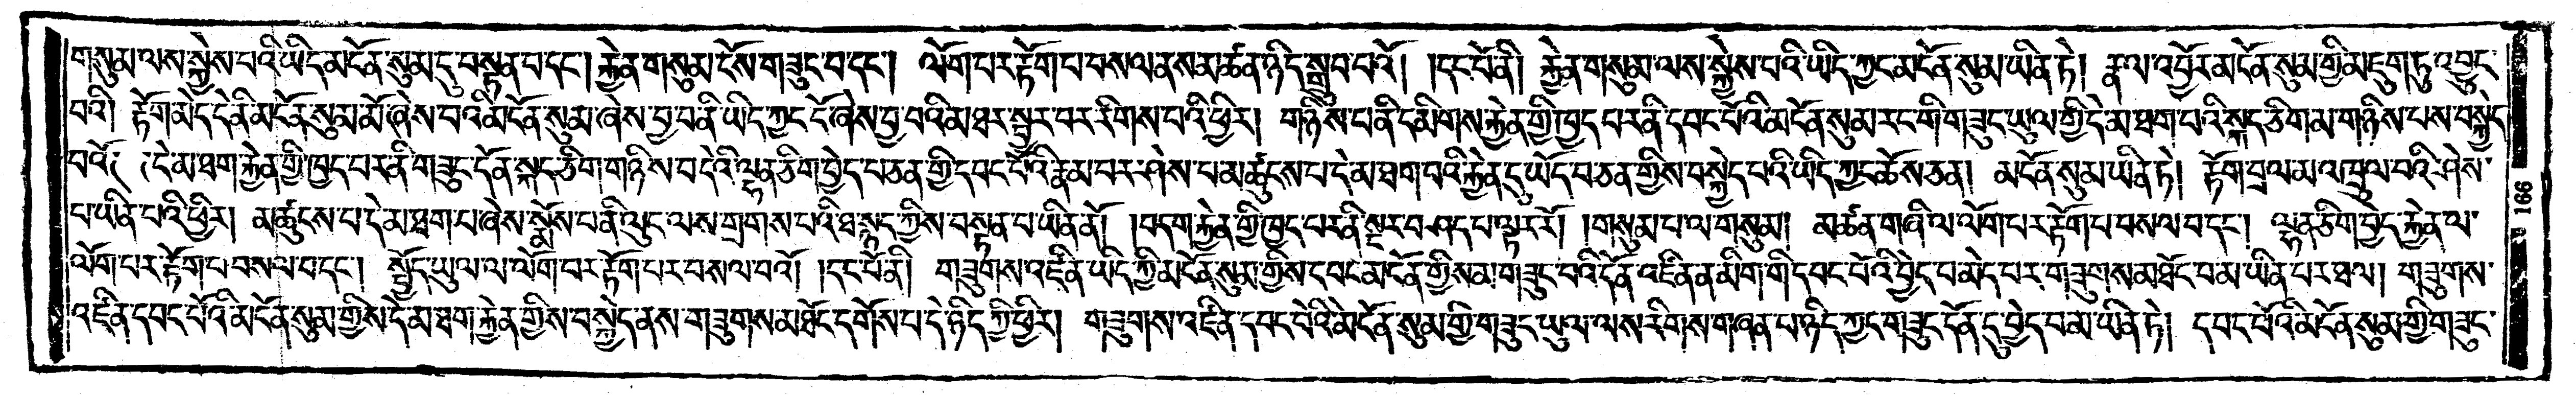གསུམ་ལས་སྐྱེས་པའི་ཡིད་མངོན་སུམ་དུ་བསྟན་པ་དང་། རྐྱེན་གསུམ་ངོས་གཟུང་བ་དང་། ལོག་པར་རྟོག་པ་བསལ་ནས་མཚན་ཉིད་སྒྲུབ་པའོ། །དང་པོ་ནི། རྐྱེན་གསུམ་ལས་སྐྱེས་པའི་ཡིད་ཀྱང་མངོན་སུམ་ཡིན་ཏེ། རྣལ་འབྱོར་མངོན་སུམ་གྱི་མཇུག་ཏུ་འབྱུང་
བའི། རྟོག་མེད་དེ་ནི་མངོན་སུམ་མོ་ཞེས་པའི་མངོན་སུམ་ཞེས་བྱ་བ་ནི་ཡིད་ཀྱང་ངོ་ཞེས་བྱ་བའི་མཐར་སྦྱར་བར་རིགས་པའི་ཕྱིར། གཉིས་པ་ནི་དམིགས་རྐྱེན་གྱི་ཁྱད་པར་ནི་དབང་པོའི་མངོན་སུམ་རང་གི་གཟུང་ཡུལ་གྱི་དེ་མ་ཐག་པའི་སྐད་ཅིག་མ་གཉིས་པས་བསྐྱེད་
པའོ། །དེ་མ་ཐག་རྐྱེན་གྱི་ཁྱད་པར་ནི་གཟུང་དོན་སྐད་ཅིག་གཉིས་པ་དེའི་ལྷན་ཅིག་བྱེད་པ་ཅན་གྱི་དབང་པོའི་རྣམ་པར་ཤེས་པ་མཚུངས་པ་དེ་མ་ཐག་པའི་རྐྱེན་དུ་ཡོད་པ་ཅན་གྱིས་བསྐྱེད་པའི་ཡིད་ཀྱང་ཆོས་ཅན། མངོན་སུམ་ཡིན་ཏེ། རྟོག་བྲལ་མ་འཁྲུལ་བའི་ཤེས་
པ་ཡིན་པའི་ཕྱིར། མཚུངས་པ་དེ་མ་ཐག་པ་ཞེས་སྨོས་པ་ནི་ལུང་ལས་གྲགས་པའི་ཐ་སྙད་ཀྱིས་བསྟན་པ་ཡིན་ནོ། །བདག་རྐྱེན་གྱི་ཁྱད་པར་ནི་སྔར་བཤད་པ་ལྟར་རོ། །གསུམ་པ་ལ་གསུམ། མཚན་གཞི་ལ་ལོག་པར་རྟོག་པ་བསལ་བ་དང་། ལྷན་ཅིག་བྱེད་རྐྱེན་ལ་
ལོག་པར་རྟོག་པ་བསལ་བ་དང་། སྤྱོད་ཡུལ་ལ་ལོག་པར་རྟོག་པར་བསལ་བའོ། །དང་པོ་ནི། གཟུགས་འཛིན་ཡིད་ཀྱི་མངོན་སུམ་གྱིས་དབང་མངོན་གྱིས་མ་གཟུང་བའི་དོན་འཛིན་ན་མིག་གི་དབང་པོའི་བྱེད་པ་མེད་པར་གཟུགས་མཐོང་བ་མ་ཡིན་པར་ཐལ། གཟུགས་
འཛིན་དབང་པོའི་མངོན་སུམ་གྱིས་དེ་མ་ཐག་རྐྱེན་གྱིས་བསྐྱེད་ནས་གཟུགས་མཐོང་དགོས་པ་དེ་ཉིད་ཀྱི་ཕྱིར། གཟུགས་འཛིན་དབང་པོའི་མངོན་སུམ་གྱི་གཟུང་ཡུལ་ལས་རིགས་གཞན་པ་ཉིད་ཀྱང་གཟུང་དོན་དུ་བྱེད་པ་མ་ཡིན་ཏེ། དབང་པོའི་མངོན་སུམ་གྱི་གཟུང་